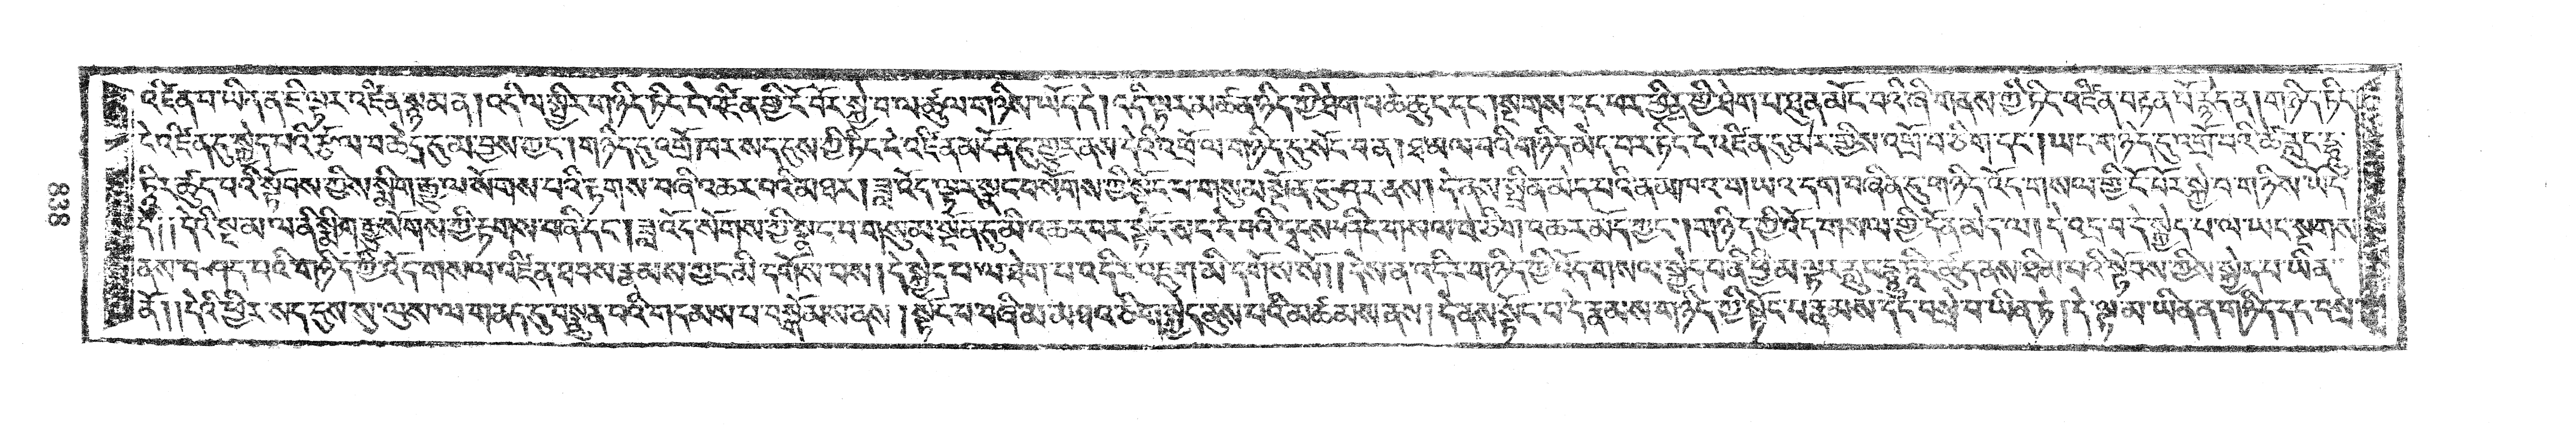འཛིན་པ་ཡིན་ན་ཇི་ལྟར་འཛིན་སྙམ་ན། འདི་ལ་སྤྱིར་གཉིད་ཏིང་ངེ་འཛིན་གྱི་ངོ་བོར་སྐྱེ་བ་ལ་ཚུལ་གཉིས་ཡོད་དེ། འདི་ལྟར་མཚན་ཉིད་ཀྱི་ཐེག་པ་ཆེ་ཆུང་དང་། སྔགས་དང་ཕར་ཕྱིན་གྱི་ཐེག་པ་ཐུང་མོང་བའི་ཞི་གནས་ཀྱི་ཏིང་འཛིན་བརྟན་པོ་རྙེད་ན། གཉིད་ཏིང་
ངེ་འཛིན་དུ་སྐྱེད་པའི་རྩོལ་བ་ཆེད་དུ་མ་བྱས་ཀྱང་། གཉིད་དུ་འགྲོ་ཁར་སད་དུས་ཀྱི་ཏིང་ངེ་འཛིན་མངོན་དུ་གྱུར་ནས་དེའི་འཕྲོ་ལ་གཉིད་དུ་སོང་བ་ན། ཐ་མལ་བའི་གཉིད་མེད་པར་ཏིང་ངེ་འཛིན་དུ་མར་གྱིས་འགྲོ་བ་ཅིག་དང་། ཡང་གཉིད་དུ་འགྲོ་བའི་ཚེ་རླུང་དྷཱ་
ཏཱིར་ཚུད་པའི་སྟོབས་ཀྱིས་སྣིག་རྒྱུ་ལ་སོགས་པའི་རྟགས་བཞི་འཆར་བའི་མཐར། ཟླ་འོད་ལྟར་སྣང་བ་སོགས་ཀྱི་སྟོང་པ་གསུམ་སྔོན་དུ་ཤར་ནས། དེ་ནས་སྤྲིན་མེད་པའི་ནམ་མཁའ་གཡའ་དག་བཞིན་དུ་གཉིད་འོད་གསལ་གྱི་ངོ་བོར་སྐྱེ་བ་གཉིས་ཡོད་
དེ། །དེའི་སྔ་མ་ལ་ནི་སྨིག་རྒྱུ་སོགས་ཀྱི་རྟགས་བཞི་དང་། ཟླ་འོད་སོགས་ཀྱི་སྣང་བ་གསུམ་སྔོན་དུ་མི་འཆར་བར་སྟོང་སང་ངེ་བའི་དྭངས་ཤིང་གསལ་བ་ཅིག་འཆར་མོད་ཀྱང་། གཉིད་ཀྱི་འོད་གསལ་གྱི་དོན་མེད་ལ། དེ་འདྲ་བ་དེ་སྐྱེད་པ་ལ་ཡང་སྔགས་
ནས་བཤད་པའི་གཉིད་ཀྱི་འོད་གསལ་འཛིན་ཐབས་རྣམས་ཀྱང་མི་དགོས་པས། དེ་སྐྱེད་པ་ལ་ཐེག་པ་འདིར་འཇུག་མི་དགོས་སོ། །དེས་ན་འདིར་གཉིད་ཀྱི་འོད་གསལ་སྐྱེད་པ་ནི་ཕྱི་མ་ལྟར་རླུང་དྷཱུ་ཏཱིར་ཚུད་ནས་ཐིམ་པའི་སྟོབས་ཀྱིས་སྐྱེད་པ་ཡིན་
ནོ། །དེའི་ཕྱིར་སད་དུས་སུ་ལུས་ལ་གནད་དུ་བསྣུན་པའི་གདམས་པ་བསྒོམས་ནས། སྟོང་པ་བཞི་མ་མཐའ་ཅིག་སྐྱེད་ནུས་པའི་མཚམས་ནས། དེ་ནས་སྟོང་པ་དེ་རྣམས་གཉིད་ཀྱི་སྟོང་པ་རྣམས་དང་བསྲེ་བ་ཡིན་ཏེ། དེ་ལྟ་མ་ཡིན་ན་གཉིད་དང་བསྲེ་